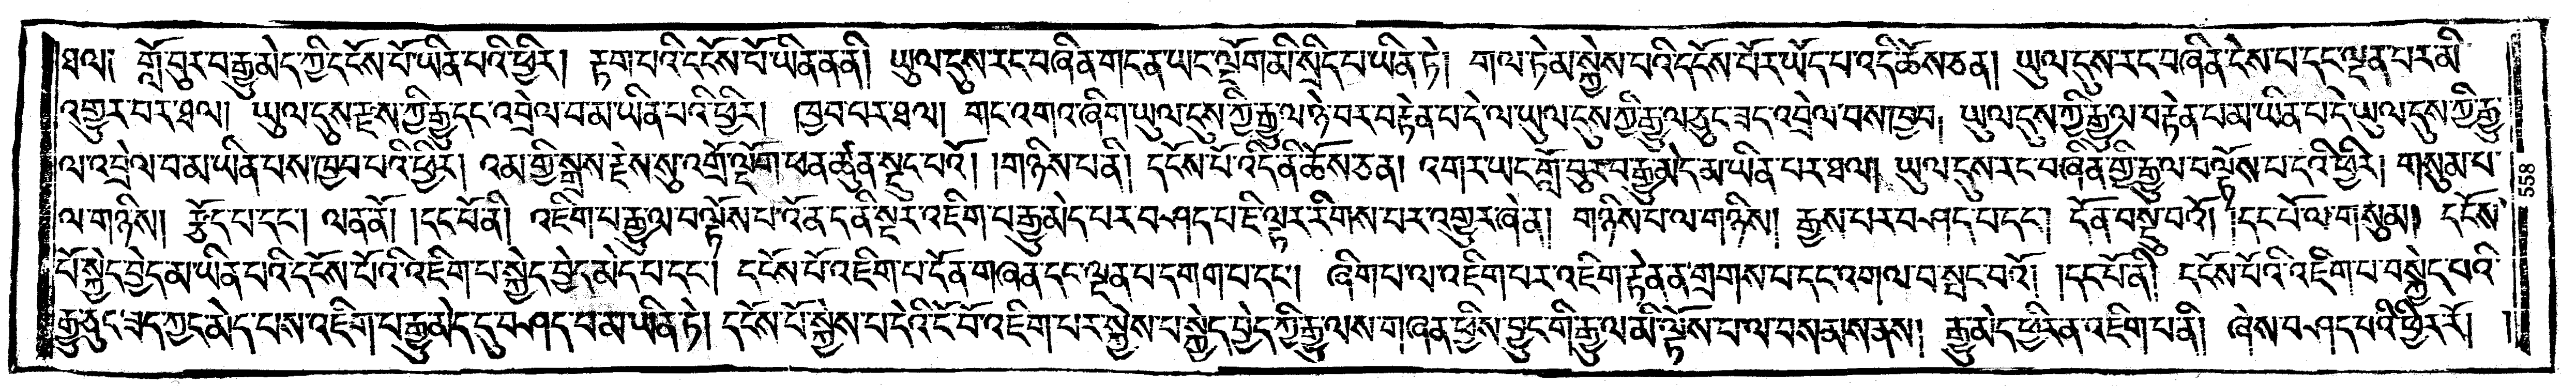ཐལ། གློ་བུར་བ་རྒྱུ་མེད་ཀྱི་དངོས་པོ་ཡིན་པའི་ཕྱིར། རྟག་པའི་དངོས་པོ་ཡིན་ན་ནི། ཡུལ་དུས་རང་བཞིན་གང་ན་ཡང་ལྡོག་མི་སྲིད་པ་ཡིན་ཏེ། གལ་ཏེ་མ་སྐྱེས་པའི་དངོས་པོར་ཡོད་པ་འདི་ཆོས་ཅན། ཡུལ་དུས་རང་བཞིན་ངེས་པ་དང་ལྡན་པར་མི་
འགྱུར་བར་ཐལ། ཡུལ་དུས་རྫས་ཀྱི་རྒྱུ་དང་འབྲེལ་བ་མ་ཡིན་པའི་ཕྱིར། ཁྱབ་པར་ཐལ། གང་འགའ་ཞིག་ཡུལ་དུས་ཀྱི་རྒྱུ་ལ་ཉེ་བར་བརྟེན་པ་དེ་ལ་ཡུལ་དུས་ཀྱི་རྒྱུ་ལ་ཅུང་ཟད་འབྲེལ་བས་ཁྱབ། ཡུལ་དུས་ཀྱི་རྒྱུ་ལ་བརྟེན་པ་མ་ཡིན་པ་དེ་ཡུལ་དུས་ཀྱི་རྒྱུ་
ལ་འབྲེལ་བ་མ་ཡིན་པས་ཁྱབ་པའི་ཕྱིར། འམ་གྱི་སྒྲས་རྗེས་སུ་འགྲོ་ལྡོག་ཕན་ཚུན་སྡུང་པའོ། །གཉིས་པ་ནི། དངོས་པོ་འདི་ནི་ཆོས་ཅན། འགར་ཡང་གློ་བུར་བ་རྒྱུ་མེད་མ་ཡིན་པར་ཐལ། ཡུལ་དུས་རང་བཞིན་གྱི་རྒྱུ་ལ་བལྟོས་པ་དེའི་ཕྱིར། གསུམ་པ་
ལ་གཉིས། རྩོད་པ་དང་། ལན་ནོ། །དང་པོ་ནི། འཇིག་པ་རྒྱུ་ལ་བལྟོས་པ་འོ་ན་ད་ནི་སྔར་འཇིག་པ་རྒྱུ་མེད་པར་བཤད་པ་ཇི་ལྟར་རིགས་པར་འགྱུར་ཞེ་ན། གཉིས་པ་ལ་གཉིས། རྒྱས་པར་བཤད་པ་དང་། དོན་བསྡུ་བའོ། །དང་པོ་ལ་གསུམ། དངོས་
པོ་སྐྱེད་བྱེད་མ་ཡིན་པའི་དངོས་པོའི་འཇིག་པ་སྐྱེད་བྱེད་མེད་པ་དང་། དངོས་པོ་འཇིག་པ་དོན་གཞན་དང་ལྡན་པ་དགག་པ་དང་། ཞིག་པ་ལ་འཇིག་པར་འཇིག་རྟེན་ན་གྲགས་པ་དང་འགལ་བ་སྤང་བའོ། །དང་པོ་ནི། དངོས་པོའི་འཇིག་པ་བསྐྱེད་པའི་
རྒྱུ་ཅུང་ཟད་ཀྱང་མེད་པས་འཇིག་པ་རྒྱུ་མེད་དུ་བཤད་པ་མ་ཡིན་ཏེ། དངོས་པོ་སྐྱེས་པ་དེའི་ངོ་བོ་འཇིག་པར་སྐྱེས་པ་སྐྱེད་བྱེད་ཀྱི་རྒྱུ་ལས་གཞན་ཕྱིས་བྱུང་གི་རྒྱུ་ལ་མི་ལྟོས་པ་ལ་བསམས་ནས། རྒྱུ་མེད་ཕྱིར་ན་འཇིག་པ་ནི། ཞེས་བཤད་པའི་ཕྱིར་རོ། །